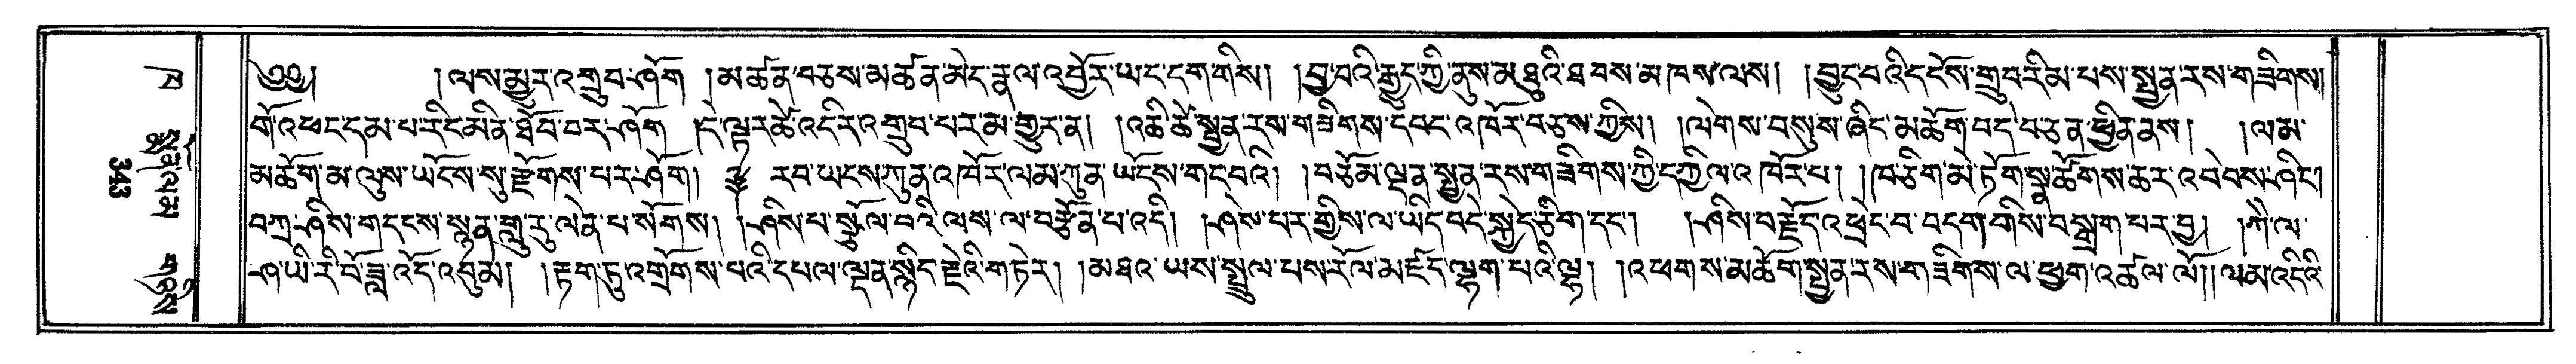༄༅། །ལས་མྱུར་འགྲུབ་ཤོག །མཚན་བཅས་མཚན་མེད་རྣལ་འབྱོར་ཡང་དག་གིས། །བྱ་བའི་རྒྱུད་ཀྱི་ནུས་མཐུའི་ཐབས་མཁས་ལས། །བྱུང་བའི་དངོས་གྲུབ་རིམ་པས་སྤྱན་རས་གཟིགས། །
གོ་འཕང་དམ་པ་རིང་མིན་ཐོབ་པར་ཤོག །དེ་ལྟར་ཚེ་འདིར་འགྲུབ་པར་མ་གྱུར་ན། །འཆི་ཚེ་སྤྱན་རས་གཟིགས་དབང་འཁོར་བཅས་ཀྱིས། །ལེགས་བསུས་ཞིང་མཆོག་བདེ་བ་ཅན་ཕྱིན་ནས། །ལམ་
མཆོག་མ་ལུས་ཡོངས་སུ་རྫོགས་པར་ཤོག། ༈ རབ་ཡངས་ཀུན་འཁོར་ལམ་ཀུན་ཡོངས་གང་བའི། །བཅོམ་ལྡན་སྤྱན་རས་གཟིགས་ཀྱི་དཀྱིལ་འཁོར་པ། །ཁ་ཅིག་མེ་ཏོག་སྣ་ཚོགས་ཆར་འབེབས་ཤིང་
བཀྲ་ཤིས་གདངས་སྙན་གླུ་རུ་ལེན་པ་སོགས། །ཤིས་པ་སྩོལ་བའི་ལས་ལ་བརྩོན་པ་འདི། །ཤེས་པར་གྱིས་ལ་ཡིད་བདེ་སྐྱེད་ཅིག་དང་། །ཤིས་བརྗོད་འཕྲེང་བ་བདག་གིས་བསྒྲག་པར་བྱ། །ཀཻ་ལ་
ཤ་ཡི་རི་བོ་ཟླ་འོད་འབུམ། །རྟག་ཏུ་འགྲོགས་པའི་དཔལ་ལྡན་སྙིང་རྗེའི་གཏེར། །མཐའ་ཡས་སྤྲུལ་པས་རོལ་མཛད་ལྷག་པའི་ལྷ། །འཕགས་མཆོག་སྤྱན་རས་གཟིགས་ལ་ཕྱག་འཚལ་ལོ། །ལམ་འདིའི་